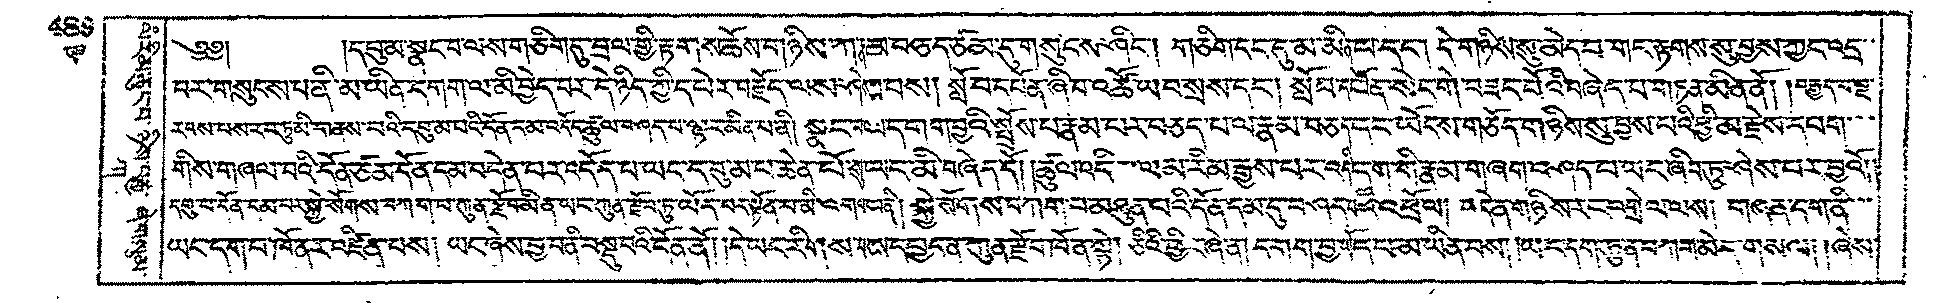༄༅། །དབུ་མ་སྣང་བ་ལས་གཅིག་དུ་བྲལ་གྱི་རྟགས་ཆོས་གཉིས་ཀ་རྣམ་བཅད་ཙམ་དུ་གསུངས་ཤིང་། གཅིག་དང་དུ་མ་མིན་པ་དང་། དེ་གཉིས་སུ་མེད་པ་གང་རྟགས་སུ་བྱས་ཀྱང་འདྲ་
བར་གསུངས་པ་ནི་མ་ཡིན་དགག་ལ་མི་བྱེད་པར་དེ་ཉིད་ཀྱི་དཔེར་བརྗོད་ལས་ཤེས་པས། སློབ་དཔོན་ཞི་བ་འཚོ་ཡབ་སྲས་དང་། སློབ་དཔོན་སེང་གེ་བཟང་པོའི་བཞེད་པ་གཏན་མིན་ནོ། །བརྒྱད་པ་སྔ་
རབས་པས་རབ་ཏུ་མི་གནས་པའི་དབུ་མ་པའི་དོན་དམ་འདོད་ཚུལ་བཤད་པ་ལྟར་མིན་པ་ནི། སྣང་བ་ལ་དགག་བྱའི་སྤྲོས་པ་རྣམ་པར་བཅད་པ་ལ་རྣམ་བཅད་དང་ཡོངས་གཅོད་གཉིས་སུ་བྱས་པའི་ཕྱི་མ་རྗེས་དཔག་
གིས་གཞལ་བའི་དོན་ཙམ་དོན་དམ་བདེན་པར་འདོད་པ་ཡང་དབུ་མ་པ་ཆེན་པོ་སུ་ཡང་མི་བཞེད་དོ། །ཚུལ་འདིལམ་རིམ་རྒྱས་པར་འདི་དག་གི་རྣམ་གཞག་བཤད་པ་ཡང་ཞིབ་ཏུ་ཤེས་པར་བྱའོ། །
དགུ་བ་དོན་དམ་པར་སྐྱེ་སོགས་བཀག་པ་ཀུན་རྫོབ་མིན་ཡང་ཀུན་རྫོབ་ཏུ་ཡོད་པར་སྟོན་པ་མི་འགལ་བ་ནི། སྐྱེ་སོགས་བཀའ་བ་མཐུན་པའི་དོན་དམ་དུ་བཤད་པའི་འཕྲོ་ལ། བདེན་གཉིས་རང་འགྲེལ་ལས། གཞན་དག་ནི་
ཡང་དག་པ་ཁོ་ནར་འཛིན་པས། ཡང་ཞེས་བྱ་བ་ནི་བསྡུ་བའི་དོན་ནོ། །དེ་ཡང་རིགས་པས་དཔྱད་ན་ཀུན་རྫོབ་ཁོ་ན་སྟེ། ཅིའི་ཕྱིར་ཞེ་ན། དགག་བྱ་ཡོད་པ་མ་ཡིན་པས། །ཡང་དག་ཏུ་ན་བཀག་མེད་གསལ། །ཞེས་